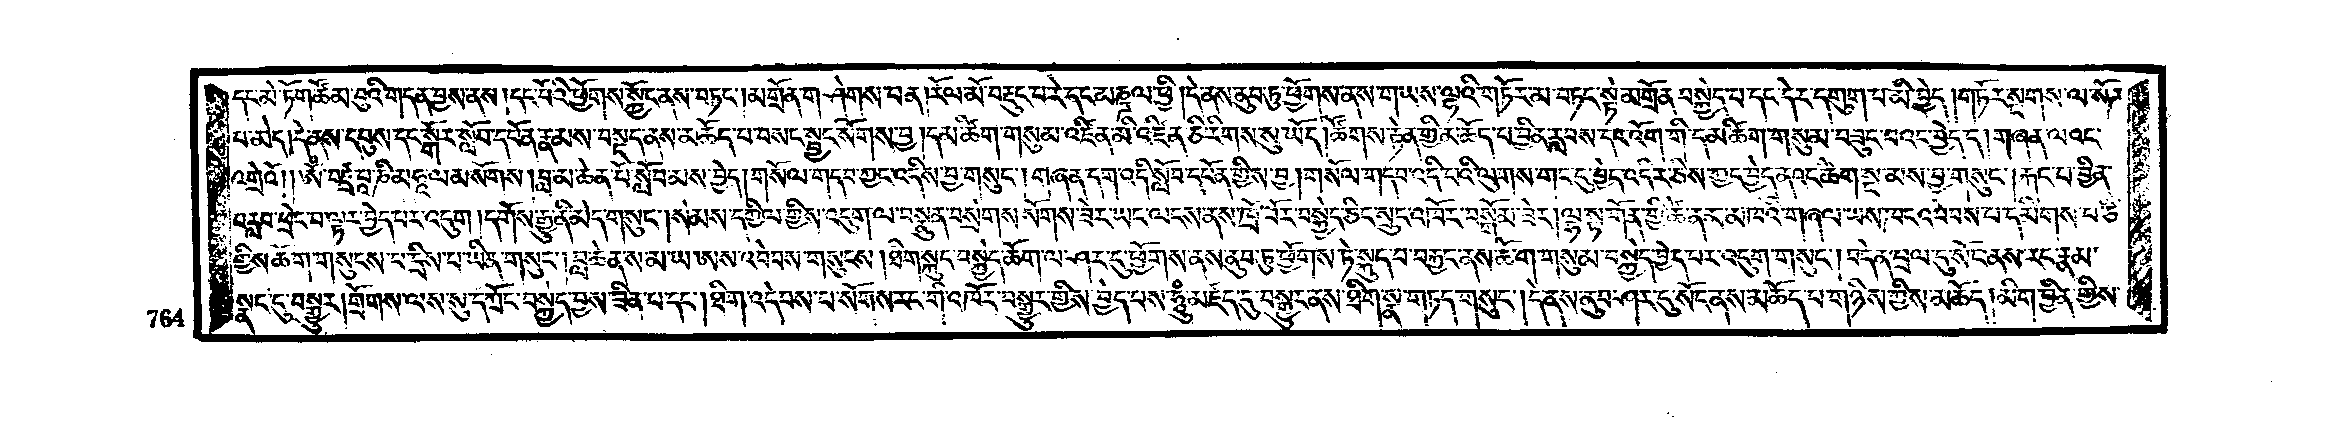དང་མེ་ཏོག་ཚོམ་བུའི་གདན་བྱས་ནས། དང་པོའི་ཕྱོགས་སྐྱོང་ནས་བཏང་། མགྲོན་གཤེགས་པ་ན། རོལ་མོ་བརྡུང་པ་རེ་དང་མཎྜལ་ཕྱི། དེ་ནས་ནུབ་ཏུ་ཕྱོགས་ནས་གཡས་ལྷའི་གཏོར་མ་བཏང་སྟེ་མགྲོན་བསྐྱེད་པ་དང་དེར་དགུག་པ་མི་བྱེད། གཏོར་སྤགས་ལ་སོགས་
པ་མེད། དེ་ནས་དབུས་དང་སྒོར་སློབ་དཔོན་རྣམས་བསྡད་ནས་མཆོད་པ་བསང་སྦྱང་སོགས་བྱ། དམ་ཚིག་གསུམ་འཛིན་མི་འཛིན་ཅི་རིགས་སུ་ཡོད། ཚོགས་རྟེན་གྱི་མཆོད་པ་བྱིན་རླབས་དང་འོག་གི་དམ་ཚིག་གསུམ་བཟུང་བའང་བྱེད་དོ། གཞན་ལའང་
འགྲེའོ། །ཨོཾ་བཛྲ་པཱ་ཎི་མཧཱ་ལམ་སོགས། བླ་མ་ཆེན་པོ་སློབ་མས་བྱེད། གསོལ་གདབ་ཀྱང་འདིས་བྱ་གསུང་། གཞན་དག་འདི་སློབ་དཔོན་གྱིས་བྱ། གསོལ་གདབ་འདི་པའི་ལུགས་གང་དུ་བྱེད་འདིར་ཅིས་ཀྱང་བྱེད་ནའང་ཚིག་སྔ་མས་བྱ་གསུང་། རྐང་པ་བྱིན་
བརླབ་ཕྲེང་བ་ལྟར་བྱེད་པར་འདུག །དགོས་རྒྱུ་ནི་མེད་གསུང་། སེམས་དཀྱིལ་གྱིས་འདུག་ལ་བསྣུན་བསྲེགས་སོགས་ཟེར་ཡང་ལངས་ནས་ཁྲོ་བོར་བསྐྱེད་ཅིང་སྲུང་འཁོར་བསྒོམ་ཟེར། ལྷ་སྟ་གོན་གྱི་ཚེ་ནམ་མཁའི་གཞལ་ཡས་ཁང་འབེབས་པ་དམིགས་པ་ཙི་
གྱིས་ཆོག་གསུངས་པ་དྲིས་པ་ཡིན་གསུང་། བླ་ཆེན་ས་མ་ཡ་ཨས་འབེབས་གསུངས། ཐིག་སྐུད་བསྐྱེད་ཆོག་ལ་ཤར་དུ་ཕྱོགས་ནས་ནུབ་ཏུ་ཕྱོགས་ཏེ་སྐུད་པ་བརྐྱང་ནས་ཆོག་གསུམ་བསྐྱེད་བྱེད་པར་འདུག་གསུང་། བདེན་བྲལ་དུ་སོང་ནས་རང་རྣམ་
སྣང་དུ་བསྒྱུར། གྲོགས་ལས་སུ་དཀྲོང་བསྐྱེད་བྱས་ཟིན་པ་དང་། ཐིག་འདེབས་པ་སོགས་རང་གི་འཁོར་བསྒྱུར་གྱིས་བྱེད་པས་ཧཱུཾ་མཛད་དུ་བསྒྱུར་ནས་ཐིག་སྣ་གཏད་གསུང་། དེ་ནས་ནུབ་ཤར་དུ་སོང་ནས་མཆོད་པ་གཉིས་ཀྱིས་མཆོད། མིག་བྱིན་གྱིས་